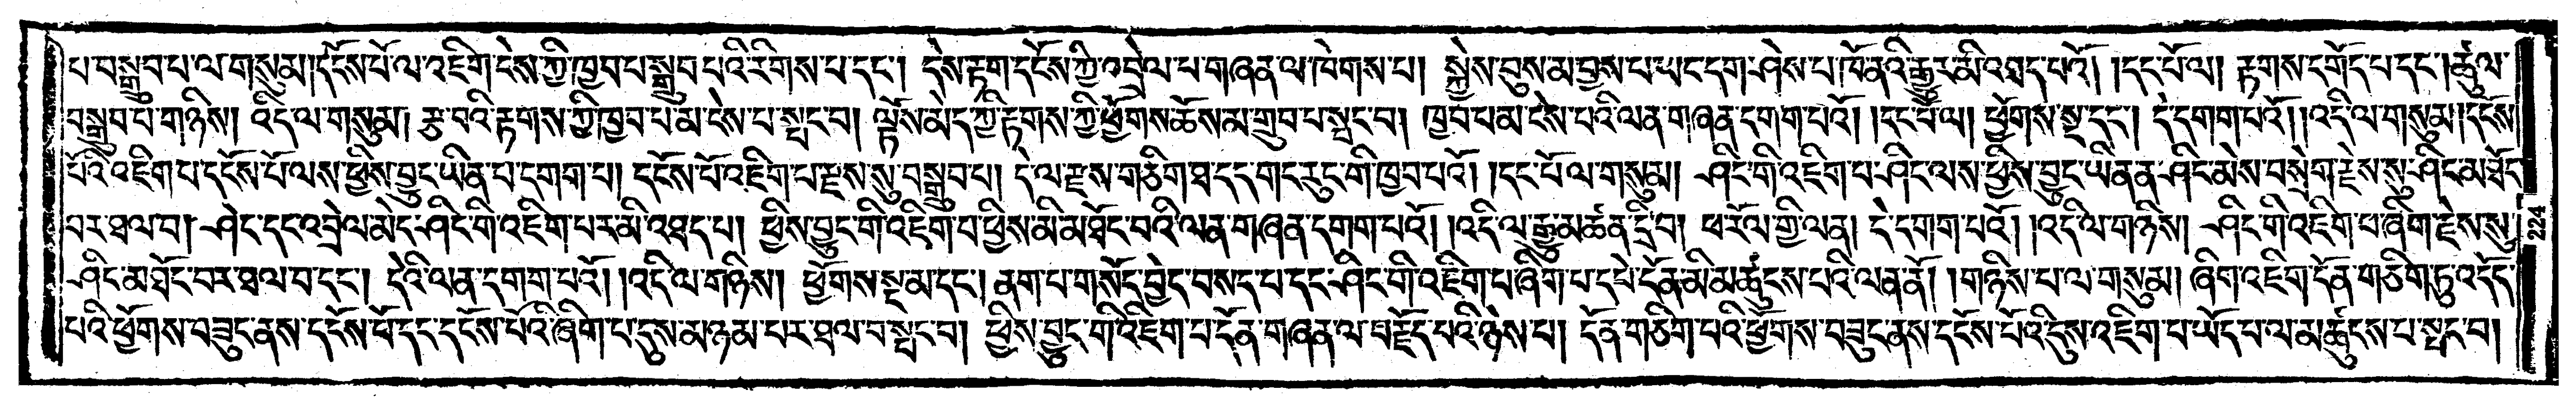པ་བསྒྲུབ་པ་ལ་གསུམ། དངོས་པོ་ལ་འཇིག་ངེས་ཀྱི་ཁྱབ་པ་སྒྲུབ་པའི་རིགས་པ་དང་། དེས་རྟག་དངོས་ཀྱི་འབྲེལ་པ་གཞན་ལ་ཁེགས་པ། སྐྱེས་བུས་མ་བྱས་པ་ཡང་དག་ཤེས་པ་ཁོ་ནའི་རྒྱུར་མི་འཐད་པའོ། །དང་པོ་ལ། རྟགས་དགོད་པ་དང་། ཚུལ་
བསྒྲུབ་པ་གཉིས། འདི་ལ་གསུམ། རྩ་བའི་རྟགས་ཀྱི་ཁྱབ་པ་མ་ངེས་པ་སྤང་བ། ལྟོས་མེད་ཀྱི་རྟགས་ཀྱི་ཕྱོགས་ཆོས་མ་གྲུབ་པ་སྤང་བ། ཁྱབ་པ་མ་ངེས་པའི་ལན་གཞན་དགག་པའོ། །དང་པོ་ལ། ཕྱོགས་སྔ་དང་། དེ་དགག་པའོ། །འདི་ལ་གསུམ། དངོས་
པོའི་འཇིག་པ་དངོས་པོ་ལས་ཕྱིས་བྱུང་ཡིན་པ་དགག་པ། དངོས་པོ་འཇིག་པ་རྫས་སུ་བསྒྲུབ་པ། དེ་ལ་རྫས་གཅིག་ཐ་དད་གང་རུང་གི་ཁྱབ་པའོ། །དང་པོ་ལ་གསུམ། ཤིང་གི་འཇིག་པ་ཤིང་ལས་ཕྱིས་བྱུང་ཡིན་ན་ཤིང་མེས་བསྲེག་རྗེས་སུ་ཤིང་མཐོང་
བར་ཐལ་བ། ཤིང་དང་འབྲེལ་མེད་ཤིང་གི་འཇིག་པར་མི་འཐད་པ། ཕྱིས་བྱུང་གི་འཇིག་པ་ཕྱིས་མི་མཐོང་བའི་ལན་གཞན་དགག་པའོ། །འདི་ལ་རྒྱུ་མཚན་དྲི་བ། ཕ་རོལ་གྱི་ལན། དེ་དགག་པའོ། །འདི་ལ་གཉིས། ཤིང་གི་འཇིག་པ་ཞིག་རྗེས་སུ་
ཤིང་མཐོང་བར་ཐལ་བ་དང་། དེའི་ལན་དགག་པའོ། །འདི་ལ་གཉིས། ཕྱོགས་སྔ་མ་དང་། ནག་པ་གསོད་བྱེད་བསད་པ་དང་ཤིང་གི་འཇིག་པ་ཞིག་པ་དཔེ་དོན་མི་མཚུངས་པའི་ལན་ནོ། །གཉིས་པ་ལ་གསུམ། ཞིག་འཇིག་དོན་གཅིག་ཏུ་འདོད་
པའི་ཕྱོགས་བཟུང་ནས་དངོས་པོ་དང་དངོས་པོའི་ཞིག་པ་དུས་མཉམ་པར་ཐལ་བ་སྤང་བ། ཕྱིས་བྱུང་གི་འཇིག་པ་དོན་གཞན་ལ་བརྗོད་པའི་ཉེས་པ། དོན་གཅིག་པའི་ཕྱོགས་བཟུང་ནས་དངོས་པོའི་དུས་འཇིག་པ་ཡོད་པ་ལ་མཚུངས་པ་སྤང་བ།